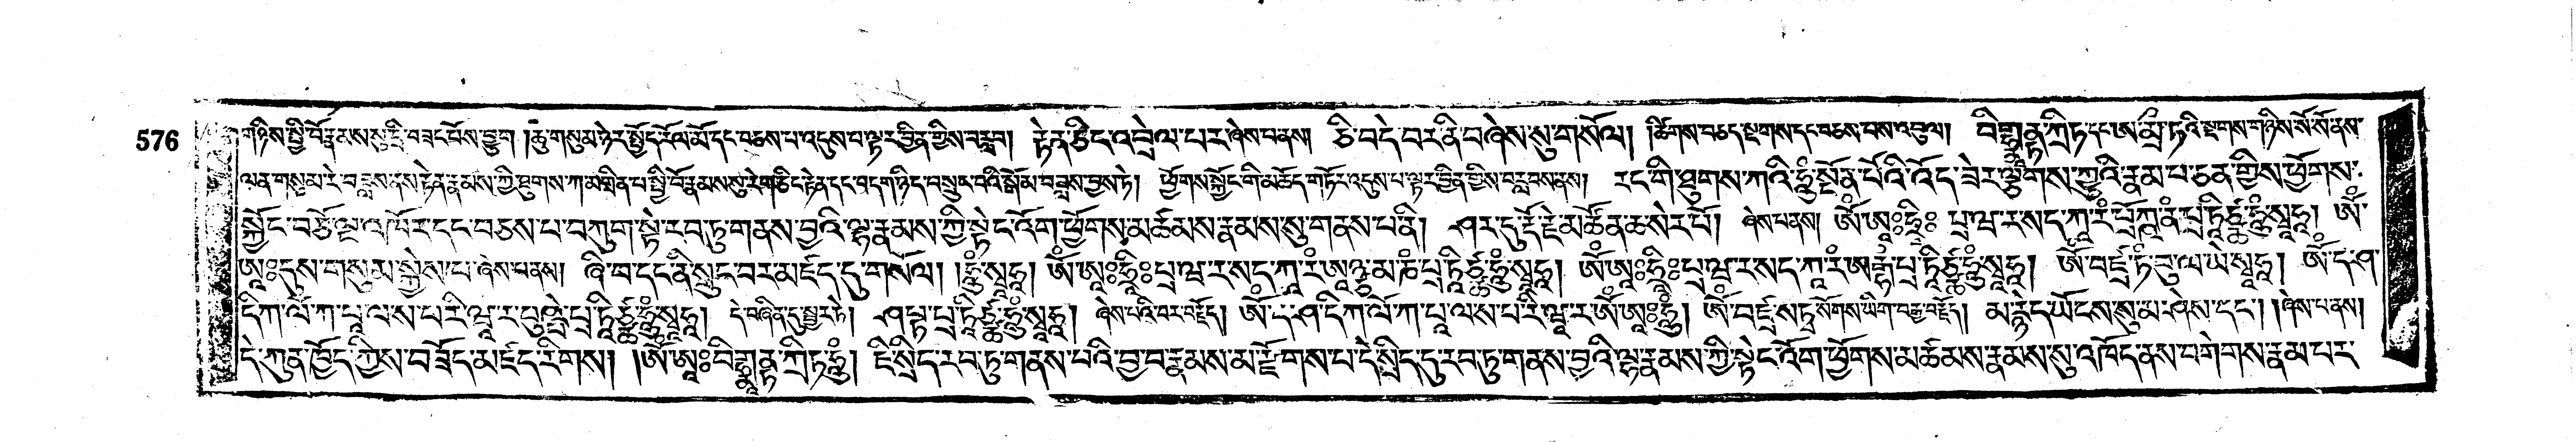གཉིས་སྤྱི་བོ་རྣམས་སུ་དྲི་བཟང་པོས་བྱུག །ཆུ་གསུམ་ཉེར་སྤྱོད་རོལ་མོ་དང་བཅས་པ་འདུས་པ་ལྟར་བྱིན་གྱིས་བརླབ། རྟེན་ཅིང་འབྲེལ་པར་ཞེས་པ་ནས།  ཅི་བདེ་བར་ནི་བཞེས་སུ་གསོལ། །ཚིགས་བཅད་སྔགས་དང་བཅས་པས་འབུལ།  བིགྷྣཱ་ནྟ་ཀྲིཏ་དང་ཨ་མྲྀ་ཏའི་སྔགས་གཉིས་སོ་སོ་ནས་
ལན་གསུམ་རེ་བཟླས་ནས་རྟེན་རྣམས་ཀྱི་ཐུགས་ཀ་མགྲིན་པ་སྤྱི་བོ་རྣམས་སུ་རེག་ཅི་བརྟེན་དང་བདག་ཉིད་བསྲུང་བའི་སྒོམ་བཟླས་བྱས་ཏེ། ཕྱོགས་སྐྱོང་གི་མཆོད་གཏོར་འདུས་པ་ལྟར་བྱིན་གྱིས་བརླབས་ནས། རང་གི་ཐུགས་ཀའི་ཧཱུཾ་སྔོན་པོའི་འོད་ཟེར་ལྕིགས་ཀྱུའི་རྣམ་པ་ཅན་གྱིས་ཕྱོགས་
སྐྱོང་བཅོ་ལྔ་འཁོར་དང་བཅས་པ་བཀུག་སྟེ་རབ་ཏུ་གནས་བྱའི་ལྷ་རྣམས་ཀྱི་སྟེང་འོག་ཕྱོགས་མཚམས་རྣམས་སུ་གནས་པ་ནི། ཤར་དུ་རྡོ་རྗེ་མཚོན་ཆ་སེར་པོ། ཞེས་པ་ནས།  ཨོཾ་ཨཱཿཧྲཱིཿ པྲ་ཝ་རསད་ཀཱ་རཾ་པྲོཀྵ་ནཾ་པྲ་ཏཱི་ཙྪ་ཧཱུཾ་སྭཱཧཱ། ཨོཾ་
ཨཱཿདུས་གསུམ་སྐྱེས་པ་ཞེས་པ་ནས།  ཞི་བ་དང་ནི་སྲུང་བར་མཛད་དུ་གསོལ། །ཧཱུཾ་སྭཱཧཱ། ཨོཾ་ཨཱཿཧྲཱིཿཔྲ་ཝ་ར་སད་ཀཱ་རཾ་ཨཱཉྩ་མ་ཎཾ་པྲ་ཏཱི་ཙྪ་ཧཱུཾ་སྭཱཧཱ། ཨོཾ་ཨཱཿཧྲཱིཿ པྲ་ཝ་ར་སད་ཀཱ་རཾ་ཨརྒྷ་པྲ་ཏཱི་ཙྪ་ཧཱུཾ་སྭཱཧཱ། ཨོཾ་བཛྲ་ཏཾ་བུ་ལ་ཡེ་སྭཱཧཱ། ཨོཾ་ད་ཤ་
དི་ཀ་ལོ་ཀ་པཱ་ལ་ས་པ་རི་ཝཱ་ར་པུཥྤེ་པྲ་ཏཱི་ཙྪ་ཧཱུཾ་སྭཱཧཱ། དེ་བཞིན་དུ་སྦྱར་ཏེ།  ཤཔྟ་པྲ་ཏཱི་ཙྪ་ཧཱུཾ་སྭཱཧཱ། ཞེས་པའི་བར་བརྗོད།  ཨོཾ་ད་ཤ་དི་ཀ་ལོ་ཀ་པཱ་ལ་ས་པ་རི་ཝཱ་ར་ཨོཾ་ཨཱཿཧཱུཾ། ཨོཾ་བཛྲ་སཏྭ་སོགས་ཡིག་བརྒྱ་བརྗོད།  མ་རྙེད་ཡོངས་སུ་མ་ཤེས་དང་། །ཞེས་པ་ནས།
དེ་ཀུན་ཁྱོད་ཀྱིས་བཟོད་མཛད་རིགས། །ཨོཾ་ཨཱཿབིགྷྣཱ་ནྟ་ཀྲིཏ་ཧཱུཾ། ཇི་སྲིད་རབ་ཏུ་གནས་པའི་བྱ་བ་རྣམས་མ་རྫོགས་པ་དེ་སྲིད་དུ་རབ་ཏུ་གནས་བྱའི་ལྷ་རྣམས་ཀྱི་སྟེང་འོག་ཕྱོགས་ཏྨྪམས་རྣམས་སུ་འཁོད་ནས་བགེགས་རྣམ་པར་